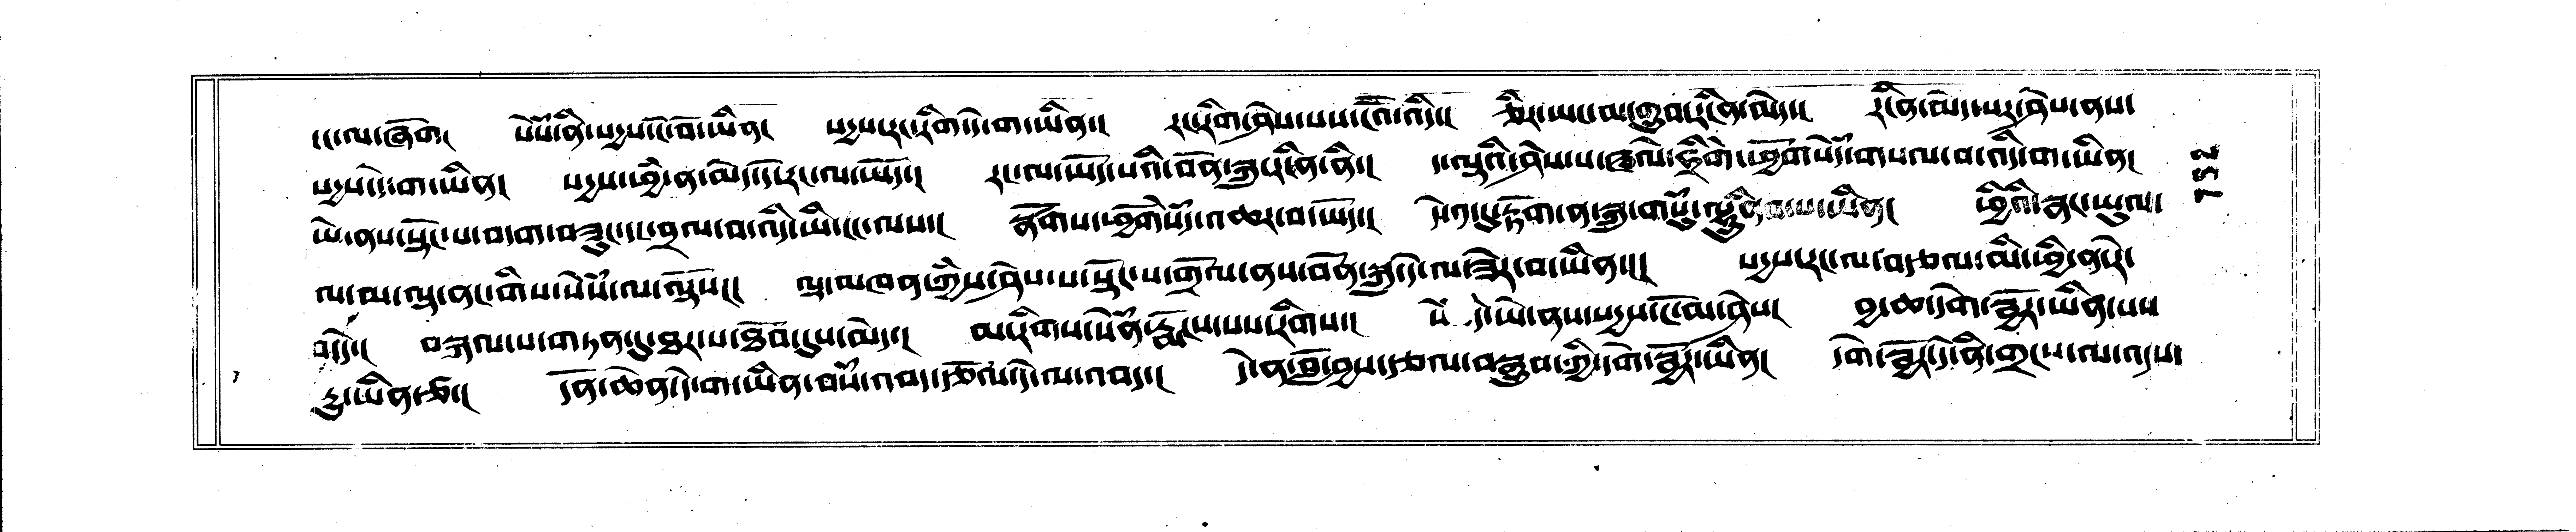ངང་ལ་ཞོག །སེམས་ནི་སངས་རྒྱས་ངོའོ་ཡིན། །སངས་རྒྱས་རང་རིག་དེ་ཀ་ཡིན། །རང་རིག་ཤེས་པའི་ངོའོ་འདི། །ཅི་ཡང་མ་གྲུབ་རང་བཞིན་མེད། །རང་བཞིན་མེད་པར་ཤེས་ན་
སངས་རྒྱས་དེ་ཀ་ཡིན། སངས་རྒྱས་ཕྱི་ན་མེད་དོ་རང་ལ་ཡོད། རང་ལ་ཡོད་པའི་བོན་སྐུའི་རང་བཞིན་ནི། ད་ལྟའི་ཤེས་པ་ཝ་ལེ་ཧྲིག་གེ་ཕྱོགས་མེད་གསལ་བ་འདི་ག་ཡིན། 
ཡེ་ནས་སྟོང་པ་བདག་བཟུང་དང་བྲལ་བ་འདི་ཡི་ངང་ལས། སྣ་ཚོགས་ཕྱོགས་མེད་འཆར་བ་ཡོད། དེ་གཅིག་ཏུ་རྟོགས་ན་སྐུ་གསུམ་ལྷུན་གྱིས་གྲུབ་པ་ཡིན། ཕྱིའི་སྣང་ཡུལ་
ལ་མ་ལྟ་ནང་གི་སེམས་ལ་ལྟོས། ལྟ་མཁན་གྱི་ཤེས་པ་སྟོང་པར་གྲོལ་ན་བོན་སྐུ་དེ་ལ་ཟེར་བ་ཡིན། སངས་རྒྱས་རང་ལ་ཕྱི་ན་རེ་
བ་དེ། བསྐལ་པ་གཏན་དུ་ཐར་པ་ཐོབ་དུས་མེད། མ་རིག་སེམས་ཅན་རྨོངས་པས་‘པའི’རིགས། སེམས་ཉིད་ཡེ་ནས་སངས་རྒྱས་ངོ་མ་ཤེས། བྱ་ཆ་དགེ་སྦྱོར་ཡིན་པས་
རྒྱུ་ཡིན་ཙ། དོན་ཆེན་དེ་ག་ཡིན་བསམ་འབད་རྩོལ་དེ་ལ་འབད། དེ་ནི་བློས་བྱས་རྩོལ་སྒྲུབ་ཀྱི་དགེ་སྦྱོར་ཡིན། དགེ་སྦྱོར་དེ་ནི་གྲངས་ལས་འདས་